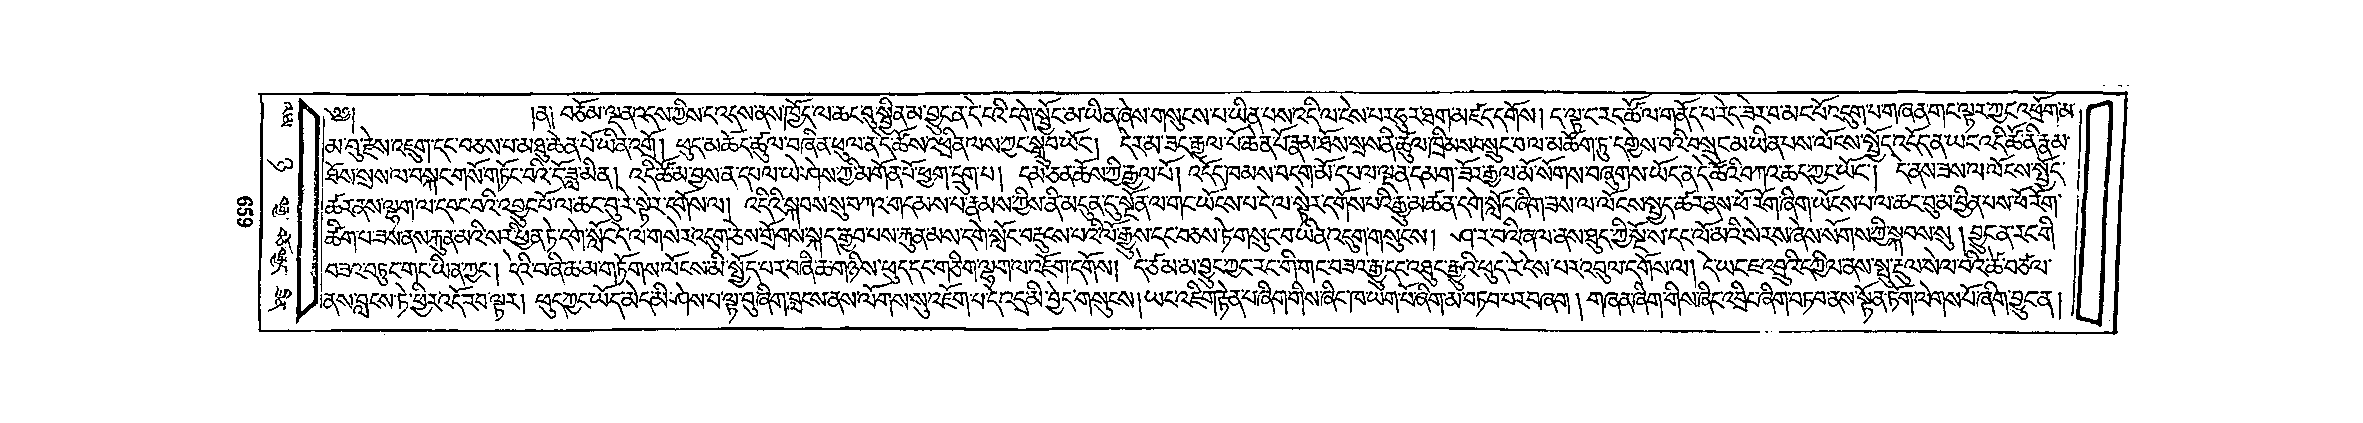༄༅། །ན། བཅོམ་ལྡན་འདས་ཀྱིས་ང་འདས་ནས་ཁྱོད་ལ་ཆང་བུ་སྦྱིན་མ་བྱུང་ན་དེ་ངའི་དགེ་སྦྱོང་མ་ཡིན་ཞེས་གསུངས་པ་ཡིན་པས་འདི་ལ་ངེས་པར་ཧུར་ཐག་མཛད་དགོས། ད་ལྟ་ང་རང་ཚོ་ལ་གནོད་པ་རེད་ཟེར་བ་མང་པོ་འདུག་པ་གཞན་གང་ལྟར་ཀྱང་འཕྲོག་མ་
མ་བུ་རྗེས་འཇུག་དང་བཅས་པ་མཐུ་ཆེན་པོ་ཡིན་འགྲོ་།ཕུད་མཆོད་ཚུལ་བཞིན་ཕུལ་ན་དེ་ཚོས་འཕྲིན་ལས་ཀྱང་སྒྲུབ་ཡོང་། དེར་མ་ཟད་རྒྱལ་པོ་ཆེན་པོ་རྣམ་ཐོས་སྲས་ནི་ཚུལ་ཁྲིམས་བསྲུང་བ་ལ་མཆོག་ཏུ་དགྱེས་པའི་བསྲུང་མ་ཡིན་པས་ལོངས་སྤྱོད་འདོད་ན་ཡང་འདི་ཚོ་ནི་རྣམ་
ཐོས་སྲས་ལ་བསྐང་གསོ་གཏོང་བའི་དོ་ཟླ་མིན། འདི་ཚོ་མ་བྱས་ན་དཔལ་ཡེ་ཤེས་ཀྱི་མགོན་པོ་ཕྱག་དྲུག་པ། དམ་ཅན་ཆོས་ཀྱི་རྒྱལ་པོ། འདོད་ཁམས་བདག་མོ་དཔལ་ལྡན་དམག་ཟོར་རྒྱལ་མོ་སོགས་བཞུགས་ཡོད་ན་དེ་ཚོའི་བཀའ་ཆད་ཀྱང་ཡོང་། དེ་ནས་ཟས་ལ་ལོངས་སྤྱོད་
ཚར་ནས་ལྷག་ལ་དབང་བའི་འབྱུང་པོ་ལ་ཆང་བུ་རེ་སྟེར་དགོས་ལ། འདིའི་སྐབས་སུ་བཀའ་གདམས་པ་རྣམས་ཀྱིས་ནི་མདུན་དུ་སྔོན་ལ་གང་ཡོངས་པ་དེ་ལ་སྟེར་དགོས་པའི་རྒྱུ་མཚན་དགེ་སློང་ཞིག་ཟས་ལ་ལོངས་སྤྱད་ཚར་ནས་ཕོ་རོག་ཞིག་ཡོངས་པ་ལ་ཆང་བུ་མ་བྱིན་པས་ཕོ་རོག་
ཚིག་པ་ཟས་ནས་རྐུན་མའི་སར་ཕྱིན་ཏེ་དགེ་སློང་དེ་ལ་གསེར་འདུག་ཅེས་གྲོགས་སྐད་རྒྱབ་པས་རྐུན་མས་དགེ་སློང་བརྡུངས་པའི་ལོ་རྒྱུས་དང་བཅས་ཏེ་གསུང་བ་ཡིན་འདུག་གསུངས། ཤ་ར་བའི་ཞལ་ནས་ཐུད་ཀྱི་སྔོ་ས་དང་ལོ་མའི་སེར་ས་ཞེས་སོགས་ཀྱི་སྐབས་སུ། བྱུང་ན་རང་གི་
བཟའ་བཏུང་གང་ཡིན་ཀྱང་། དེའི་བཞི་ཆ་མ་གཏོགས་ལོངས་མི་སྤྱོད་པར་བཞི་ཆ་གཉིས་ཕུད་དང་གཅིག་ལྷག་ལ་འཇོག་དགོས། དེ་ཙམ་མ་བྱུང་ཀྱང་རང་གི་གང་བཟའ་རྒྱུ་དང་འཐུང་རྒྱུའི་ཕུད་རེ་ངེས་པར་འབུལ་དགོས་ལ། དེ་ཡང་ཇ་འབྲུའི་དཀྱིལ་ནས་སྤུ་རྔུལ་སེལ་བའི་ཚེ་བཙལ་
ནས་བླངས་ཏེ་ཕྱིར་འདོར་བ་ལྟར། ཕུད་ཀྱང་ཡོད་མེད་མི་ཤེས་པ་ལྟ་བུ་ཞིག་བླངས་ནས་ལོགས་སུ་འཇོག་པ་དེ་འདྲ་མི་བྱེད་གསུངས། ཡང་འཇིག་རྟེན་པ་ཞིག་གིས་ཞིང་ཁ་ཡག་པོ་ཞིག་མ་བཏབ་པར་བཞག །གཞན་ཞིག་གིས་ཞིང་འབྲིང་ཞིག་བཏབ་ནས་སྟོན་ཏོག་ལེགས་པོ་ཞིག་བྱུང་ན།